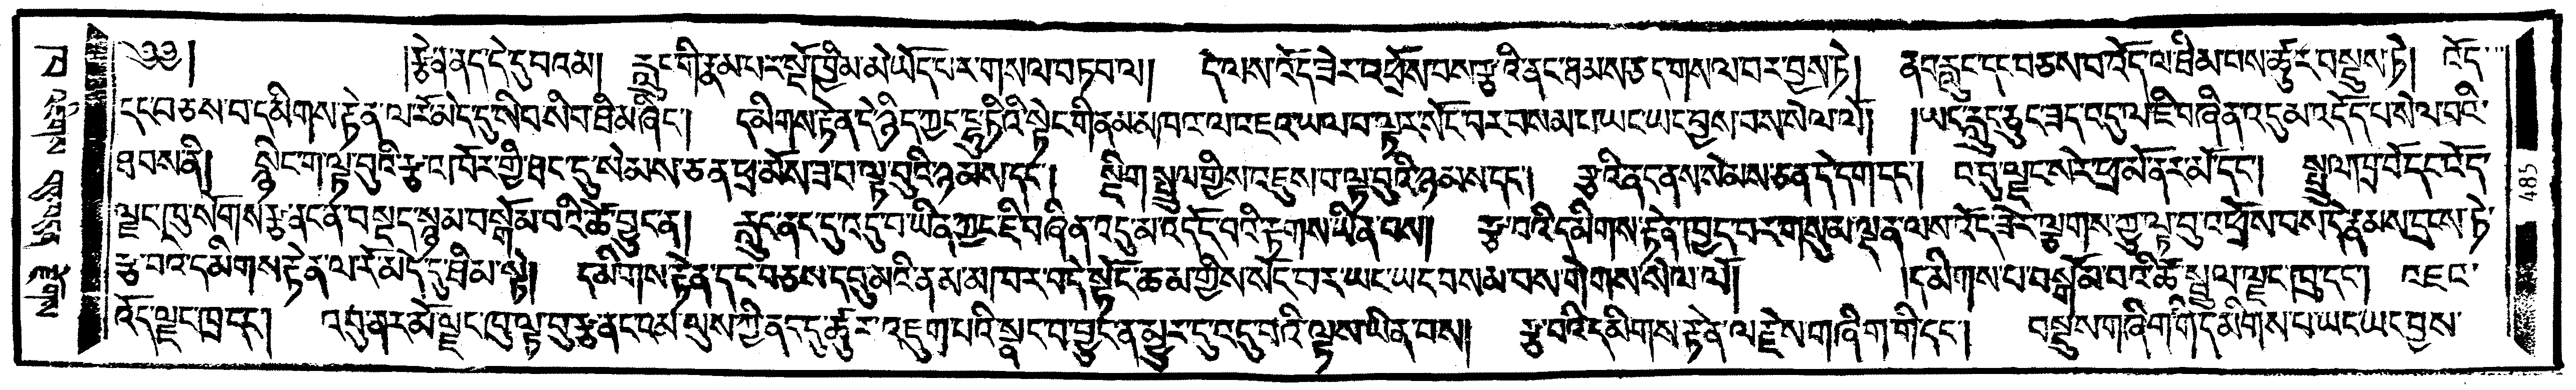༄༅། །རྩེ་ན་ནད་དེ་དུ་བའམ། རླུང་གི་རྣམ་པར་སྔོ་ཁྱིམ་མེ་ཡོད་པར་གསལ་བཏབ་ལ། དེ་ལས་འོད་ཟེར་འཕྲོས་པས་རྩའི་ནང་ཐམས་ཅད་གསལ་བར་བྱས་ཏེ། ནབ་རླུང་དང་བཅས་པ་འོད་ལ་ཐིམ་པས་ཚུར་བསྡུས་ཏེ། འོད་
དང་བཅས་པ་དམིགས་རྟེན་ལ་རོ་མེད་དུ་སིབ་སིབ་ཐིམ་ཞིང་། དམིགས་རྟེན་དེ་ཉིད་ཀྱང་དྷུ་ཏིའི་སྟེང་གི་ནམ་མཁའ་ལ་འཇའ་ཡལ་བ་ལྟར་སོང་བར་བསམ་པ་ཡང་ཡང་བྱས་པས་སེལ་ལོ། །ཡང་རླུང་ཅུང་ཟད་འདུ་ལ་ཇི་བཞིན་འདུམ་འདོད་པ་སེལ་བའི་
ཐབས་ནི། སྙིང་ག་ལྟ་བུའི་རྩ་འཁོར་གྱི་ཐང་དུ་སེམས་ཅན་ཕྲ་མོས་ཟ་བ་ལྟ་བུའི་ཉམས་དང་། སྡིག་སྤྲུལ་གྱིས་འཇུས་པ་ལྟ་བུའི་ཉམས་དང་། རྩའི་ནང་ནས་སེམས་ཅན་དེ་དག་དང་། འབུ་ལྗང་སེར་ཕྲ་མོ་ནར་མོ་དང་། སྤྲུལ་ཁྲ་བོ་དང་འོད་
ལྗང་ཁུ་སོགས་རྩ་ནང་ན་བསྡད་སྙམ་བསྒོམ་པའི་ཚེ་བྱུང་ན། རླུང་ནང་དུ་འདུ་བ་ཡིན་ཀྱང་ཇི་བཞིན་འདུ་མ་འདོད་བའི་རྟགས་ཡིན་བས། རྩ་བའི་དམིགས་རྟེན་ཁྱད་བར་གསུམ་ལྡན་ལས་འོད་ཟེར་ལྕགས་ཀྱུ་ལྟ་བུ་འཕྲོས་བས་དེ་རྣམས་དྲངས་ཏེ་
རྩ་བའི་དམིགས་རྟེན་ལ་རོ་མེད་དུ་ཐིམ་སྟེ། དམིགས་རྟེན་དང་བཅས་དབུ་མའི་ནམ་མཁར་བདེ་སྟོང་ཆམ་གྱིས་སོང་བ་ཡང་ཡང་བསམ་པས་གེགས་སེལ་ལོ། །དམིགས་པ་བསྒོམ་པའི་ཆོ་སྦྲུལ་ལྗང་ཁུ་དང་། འཇའ་
འོད་ལྗང་ཁྲ་དང་། འབུ་མར་མོ་ལྗང་ཁུ་ལྟ་བུ་རྩ་ནང་འམ་ཡུས་ཀྱི་ནང་དུ་ཚུར་འཇུག་པའི་སྣང་བ་བྱུང་ན་མྱུར་དུ་འདུ་བའི་ལྟས་ཡིན་བས། རྩ་བའི་དམིགས་རྟེན་ལ་རྗེས་གཞིག་གི་དང་། བསྡུས་གཞིག་གི་དམིགས་པ་ཡང་ཡང་བྱས་